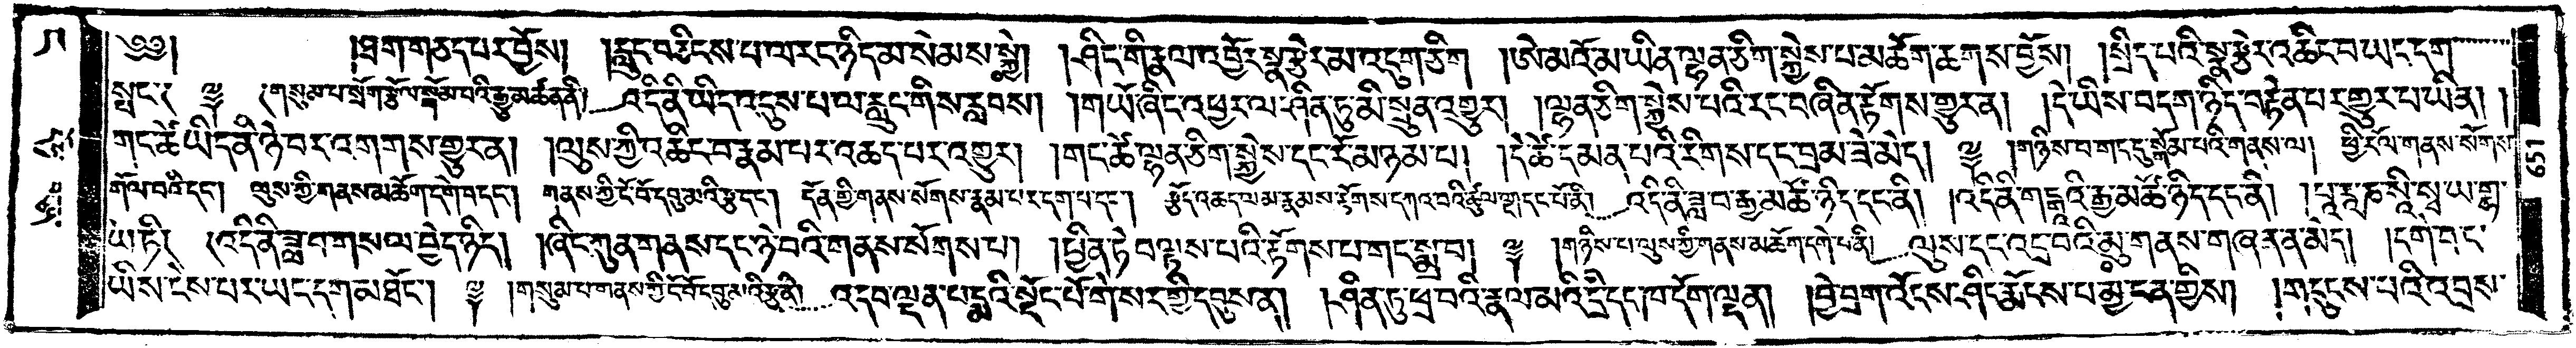༄༅། །ཐག་གཅད་པར་བྱོས། །རླུང་བཅིངས་པ་ལ་རང་ཉིད་མ་སེམས་སྐྱེ། །ཤིང་གི་རྣལ་འབྱོར་སྣ་རྩེར་མ་འདུག་ཅིག །ཨེ་མའོ་མ་ཡིན་ལྷན་ཅིག་སྐྱེས་པ་མཆོག་ཆགས་བྱོས། །སྲིད་པའི་སྣ་རྩེར་འཆིང་བ་ཡང་དག་
སྤང༑ ༈ ༑གསུམ་པ་སྲོག་རྩོལ་སྒོམ་པའི་རྒྱུ་མཚན་ནི། འདི་ནི་ཡིད་འདུས་པ་ལ་རླུང་གིས་རླབས། །གཡོ་ཞིང་འཕྱར་ལ་ཤིན་ཏུ་མི་སྤུན་འགྱུར། །ལྷན་ཅིག་སྐྱེས་པའི་རང་བཞིན་རྟོགས་གྱུར་ན། །དེ་ཡིས་བདག་ཉིད་བརྟེན་པར་གྱུར་པ་ཡིན། །
གང་ཚེ་ཡིད་ནི་ཉེ་བར་འགགས་གྱུར་ན། །ལུས་ཀྱི་འཆིང་བ་རྣམ་པར་འཆད་པར་འགྱུར། །གང་ཚེ་ལྷན་ཅིག་སྐྱེས་དང་རོ་མཉམ་པ། །དེ་ཚེ་དམན་པའི་རིགས་དང་བྲམ་ཟེ་མེད། ༈ །གཉིས་པ་གང་དུ་སྒོམ་པའི་གནས་ལ། ཕྱི་རོལ་གནས་སོགས་
གོལ་བའི་དང་། ལུས་ཀྱི་གནས་མཆོག་དགེ་བ་དང་། གནས་ཀྱི་ངོ་བོ་དབུ་མའི་རྩ་དང་། དོན་གྱི་གནས་སོགས་རྣམ་པར་དག་པ་དང་། རྩོད་འཆད་ལམ་རྣམས་རྟོགས་དཀའ་བའི་ཚུལ་ལྔ། དང་པོ་ནི། འདི་ནི་ཟླ་བ་རྒྱ་མཚོ་ཉིད་དང་ནི། །འདི་ནི་གངྷཱའི་རྒྱ་མཚོ་ཉིད་དང་ནི། །པཱ་རཱ་ཎ་སཱི་སྭ་ཡ་གྷ་
ཡ་ཏི༑ ༑འདི་ནི་ཟླ་བ་གསལ་བྱེད་ཉིད། །ཞིབ་ཀུན་གནས་དང་ཉེ་བའི་གནས་སོགས་པ། །ཕྱིན་ཏེ་བལྟས་པའི་རྟོགས་པ་གང་སྨྲ་བ། ༈ །གཉིས་པ་ལུས་ཀྱི་གནས་མཆོག་དགེ་པ་ནི། ལུས་དང་འདྲ་བའི་མུ་གནས་གཞན་ན་མེད། །དགེ་བང་
ཡིས་ངེས་པར་ཡང་དག་མཐོང་། ༈ །གསུམ་པ་གནས་ཀྱི་ངོ་བོ་དབུ་མའི་རྩ་ནི། འདབ་ལྡན་པདམའི་སྡོང་པོ་གེ་སར་གྱི་དབུས་ན། །ཤིན་ཏུ་ཕྲ་བའི་རྣལ་མའི་དྲི་དང་ཁ་དོག་ལྡན། །བྱེ་བྲག་འོངས་ཤིང་རྨོངས་པ་མྱ་ངན་གྱིས། །གདུངས་པའི་འབྲས་